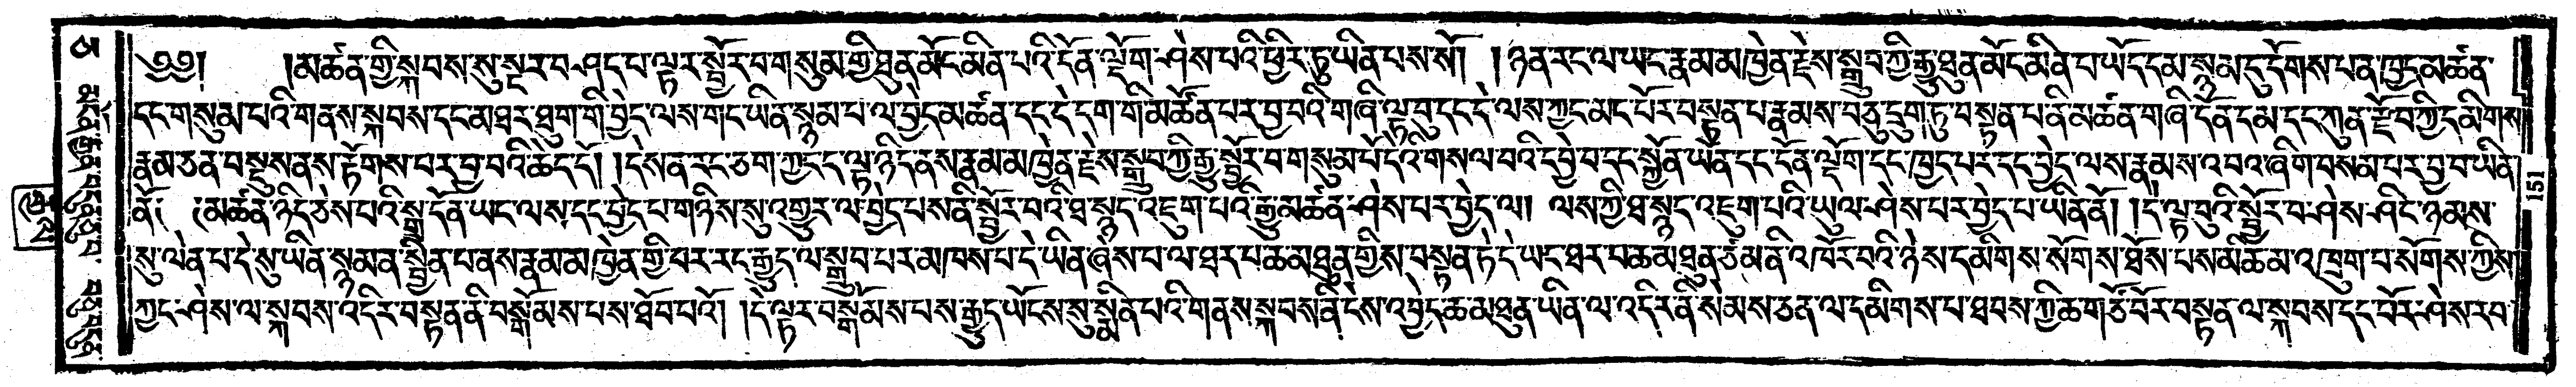༄༅། །མཚན་གྱི་སྐབས་སུ་སྔར་བཤད་པ་ལྟར་སྦྱོར་བ་གསུམ་གྱི་ཐུན་མོང་མིན་པའི་དོན་ལྡོག་ཤེས་པའི་ཕྱིར་ཏུ་ཡིན་པས་སོ། །ཉན་རང་ལ་ཡང་རྣམ་མཁྱེན་རྗེས་སྒྲུབ་ཀྱི་རྒྱུ་ཐུན་མོང་མིན་པ་ཡོད་དམ་སྙམ་དུ་དོགས་པ་ན་ཁྱད་མཚན་
དང་གསུམ་པའི་གནས་སྐབས་དང་མཐར་ཐུག་གི་བྱེད་ལས་གང་ཡིན་སྙམ་པ་ལ་བྱེད་མཚན་དང་དེ་དག་གི་མཚོན་པར་བྱ་བའི་གཞི་ལྟ་བུ་དང་དེ་ལས་ཀྱང་མང་པོར་བསྟན་པ་རྣམས་བཅུ་དྲུག་ཏུ་བསྟན་པ་ནི་མཚན་གཞི་དོན་དམ་དང་ཀུན་རྫོབ་ཀྱི་དམིགས་
རྣམ་ཅན་བསྡུས་ནས་རྟོགས་པར་བྱ་བའི་ཆེད་དོ། །དེས་ན་རང་ཅག་ཀྱང་ད་ལྟ་ཉིད་ནས་རྣམ་མཁྱེན་རྗེས་སྒྲུབ་ཀྱི་རྒྱུ་སྦྱོར་བ་གསུམ་པོ་དེའི་གསལ་བའི་དབྱེ་བ་དང་སྐྱོན་ཡོན་དང་དོན་ལྡོག་དང་ཁྱད་པར་དང་བྱེད་ལས་རྣམས་འབའ་ཞིག་བསམ་པར་བྱ་བ་ཡིན་
ནོ། །མཚན་ཉིད་ཅེས་པའི་སྒྲ་དོན་ཡང་ལས་དང་བྱེད་པ་གཉིས་སུ་འགྱུར་ལ་བྱེད་པས་ནི་སྦྱོར་བའི་ཐ་སྙད་འཇུག་པའི་རྒྱུ་མཚན་ཤེས་པར་བྱེད་ལ། ལས་ཀྱི་ཐ་སྙད་འཇུག་པའི་ཡུལ་ཤེས་པར་བྱེད་པ་ཡིན་ནོ། །དེ་ལྟ་བུའི་སྦྱོར་བ་ཤེས་ཤིང་ཉམས་
སུ་ལེན་པ་དེ་སུ་ཡིན་སྙམ་ན་སྦྱིན་པ་ནས་རྣམ་མཁྱེན་གྱི་བར་རང་རྒྱུད་ལ་སྒྲུབ་པར་མཁས་པ་དེ་ཡིན་ཞེས་པ་ལ་ཐར་པ་ཆ་མཐུན་གྱིས་བསྟན་ཏེ་དེ་ཡང་ཐར་པ་ཆ་མཐུན་ཙམ་ནི་འཁོར་བའི་ཉེས་དམིགས་སོགས་ཐོས་པས་མཆི་མ་འཁྲུག་པ་སོགས་ཀྱིས་
ཀྱང་ཤེས་ལ་སྐབས་འདིར་བསྟན་ནི་བསྒོམས་པས་ཐོབ་པའོ། །དེ་ལྟར་བསྒོམས་པས་རྒྱུད་ཡོངས་སུ་སྨིན་པའི་གནས་སྐབས་ནི་ངེས་འབྱེད་ཆ་མཐུན་ཡིན་ལ་འདིར་ནི་སེམས་ཅན་ལ་དམིགས་པ་ཐབས་ཀྱི་ཆ་གཙོ་བོར་བསྟན་ལ་སྐབས་དང་པོར་ཤེས་རབ་